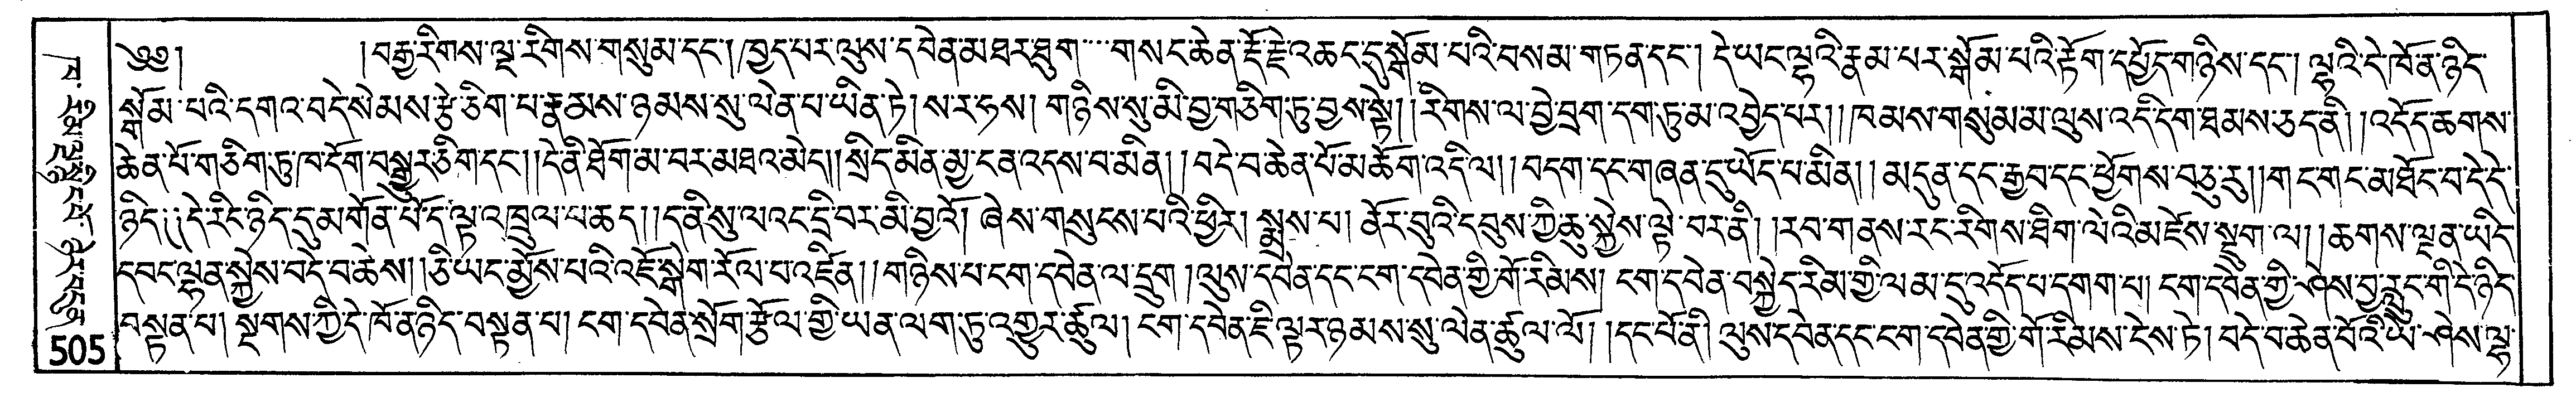༄༅། །བརྒྱ་རིགས་ལྔ་རིགས་གསུམ་དང་། ཁྱད་པར་ལུས་དབེན་མཐར་ཐུག་གསང་ཆེན་རྡོ་རྗེ་འཆང་དུ་སྒོམ་པའི་བསམ་གཏན་དང་། དེ་ཡང་ལྷའི་རྣམ་པར་སྒོམ་པའི་རྟོག་དཔྱོད་གཉིས་དང་། ལྷའི་དེ་ཁོ་ན་ཉིད་
སྒོམ་པའི་དགའ་བདེ་སེམས་རྩེ་ཅིག་པ་རྣམས་ཉམས་སུ་ལེན་པ་ཡིན་ཏེ། ས་ར་ཧས། གཉིས་སུ་མི་བྱ་གཅིག་ཏུ་བྱས་སྟེ། །རིགས་ལ་བྱེ་བྲག་དག་ཏུ་མ་འབྱེད་པར། །ཁམས་གསུམ་མ་ལུས་འདི་དག་ཐམས་ཅད་ནི། །འདོད་ཆགས་
ཆེན་པོ་གཅིག་ཏུ་ཁ་དོག་བསྒྱུར་ཅིག་དང་། །དེ་ནི་ཐོག་མ་བར་མཐའ་མེད། །སྲིད་མིན་མྱ་ངན་འདས་པ་མིན། །བདེ་བ་ཆེན་པོ་མཆོག་འདི་ལ། །བདག་དང་གཞན་དུ་ཡོད་པ་མིན། །མདུན་དང་རྒྱབ་དང་ཕྱོགས་བཅུ་རུ། །གང་གང་མཐོང་བ་དེ་དེ་
ཉིད༑ ༑དེ་རིང་ཉིད་དུ་མགོན་པོ་ད་ལྟ་འཁྲུལ་པ་ཆད། །ད་ནི་སུ་ལའང་དྲི་བར་མི་བྱའོ། ཞེས་གསུངས་པའི་ཕྱིར། སྨྲས་པ། ནོར་བུའི་དབུས་ཀྱི་ཆུ་སྐྱེས་ལྟེ་བར་ནི། །རབ་གནས་རང་རིགས་ཐིག་ལེའི་མཛེས་སྡུག་ལ། །ཆགས་ལྡན་ཡིད་
དབང་ལྷན་སྐྱེས་བདེ་བ་ཆེས། །ཅི་ཡང་མྱོས་པའི་འཇོ་སྒེག་རོལ་པ་འཛིན། །གཉིས་པ་ངག་དབེན་ལ་དྲུག །ལུས་དབེན་དང་ངག་དབེན་གྱི་གོ་རིམས། ངག་དབེན་བསྐྱེད་རིམ་གྱི་ལམ་དུ་འདོད་པ་དགག་པ། ངག་དབེན་གྱི་ཤེས་བྱ་རླུང་གི་དེ་ཉིད་
བསྟན་པ། སྔགས་ཀྱི་དེ་ཁོ་ན་ཉིད་བསྟན་པ། ངག་དབེན་སྲོག་རྩོལ་གྱི་ཡན་ལག་ཏུ་འགྱུར་ཚུལ། ངག་དབེན་ཇི་ལྟར་ཉམས་སུ་ལེན་ཚུལ་ལོ། །དང་པོ་ནི། ལུས་དབེན་དང་ངག་དབེན་གྱི་གོ་རིམས་ངེས་ཏེ། བདེ་བ་ཆེན་པོའི་ཡེ་ཤེས་ལྷ་